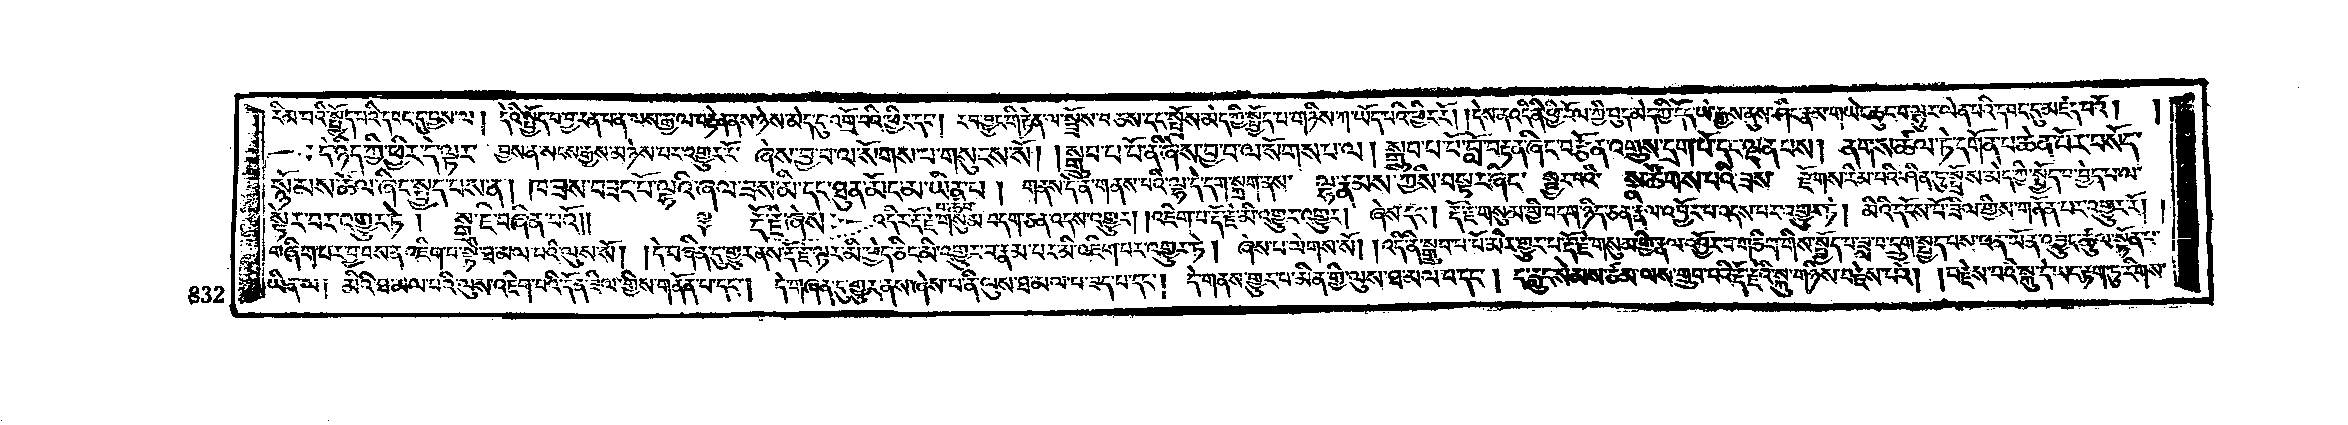རིམ་པའི་སྤྱོད་པའི་དབང་དུ་བྱས་ལ། དེའི་སྤྱོད་པ་བྱ་རན་པ་ན་ལས་རྒྱ་ལ་བརྟེན་ནས་ཉེས་མེད་དུ་འགྲོ་བའི་ཕྱིར་དང་། རབ་བྱུང་གི་རྟེན་ལ་སྤྲོས་བཅས་དང་སྤྲོས་མེད་ཀྱི་སྤྱོད་པ་གཉིས་ཀ་ཡོད་པའི་ཕྱིར་རོ། །དེས་ན་འདི་ནི་ཕྱི་རོལ་གྱི་བུད་མེད་ཀྱི་དོད་ཡེ་རྒྱས་ནུས་ཤིང་རྣམ་གཡེང་ཆུང་བ་ལྷུར་ལེན་པའི་དབང་དུ་མཛད་པའོ།།
.H དེ་ཉིད་ཀྱི་ཕྱིར་དེ་ལྟར་བྱས་ན་སངས་རྒྱས་མཉེས་པར་འགྱུར་རོ་ཞེས་བྱ་བ་ལ་སོགས་པ་གསུངས་སོ། །སྒྲུབ་པ་པོ་ནི་ཞེས་བྱ་བ་ལ་སོགས་པ་ལ། སྒྲུབ་པ་པོ་བློ་བརྟན་ཞིང་བརྩོན་འགྲུས་དྲུག་པོ་དང་ལྡན་པས། ནགས་ཚལ་ཏེ་དགོན་པ་ཆེན་པོར་བསོད་
སྙོམས་ཚོལ་ཞིང་སྤྱད་པས་ན། ཁ་ཟས་བཟང་པོ་ལྷའི་ཞལ་ཟས་མི་དང་ཐུན་མོང་མ་ཡིན་པ། གནས་དེ་ན་གནས་པའི་ལྷ་དེ་དག་སྐྲག་ནས་ལྷ་རྣམས་ཀྱིས་བསྟར་ཞིང་སྦྱར་བའི་སྣ་ཚོགས་པའི་ཟས་རྫོགས་རིམ་པའི་ཤིན་ཏུ་སྤྲོས་མེད་ཀྱི་སྤྱོད་པ་མེད་པ་ལ
སྟེར་བར་འགྱུར་ཏེ། སྒྲ་ཇི་བཞིན་པའོ།། ༈ རྡོ་རྗེ་ཞེས་H.་འདིར་རྡོ་རྗེ་པ་ཚབ་གསུམ་བདག་ཅན་འདས་འགྱུར། །འཇིག་པ་རྡོ་རྗེ་མི་འགྱུར་འགྱུར། ཞེས་དང་། རྡོ་རྗེ་གསུམ་གྱི་བདག་ཉིད་ཅན་རྣལ་འབྱོར་པ་འདས་པར་འགྱུར་ཏེ། མིའི་དངོས་པོ་ཟིལ་གྱིས་གནོན་པར་འགྱུར་རོ། །
གཞིག་པར་བྱ་བས་ན་འཇིག་པ་སྟེ་ཐ་མལ་པའི་ལུས་སོ། །དེ་བཞིན་དུ་གྱུར་ནས་རྡོ་རྗེ་ལྟར་མི་ཕྱེད་ཅིང་མི་འགྱུར་བ་རྣམ་པར་མི་འཇིག་པར་འགྱུར་ཏེ། ཞེས་པ་ལེགས་སོ། །འདི་ནི་སྒྲུབ་པ་པོ་མིར་གྱུར་པ་རྡོ་རྗེ་གསུམ་གྱི་རྣལ་འབྱོར་པ་གཅིག་གིས་སྤྱོད་པ་ཟླ་བ་དྲུག་སྤྱད་པས་ཕན་ཡོན་འབྱུང་ཚུལ་སྟོན་པ་
ཡིན་ལ། མིའི་ཐ་མལ་པའི་ལུས་འཇིག་པའི་དོན་ཟིལ་གྱིས་གནོན་པ་དང་། དེ་གཞན་དུ་གྱུར་ནས་ཞེས་པ་ནི་ལུས་ཐ་མལ་པ་ཟད་པ་དང་། དེ་གནས་གྱུར་པ་མིན་གྱི་ལུས་ཐ་མལ་པ་དང་། ད་རླུང་སེམས་ཙམ་ལས་གྲུབ་པའི་རྡོ་རྗེའི་སྐུ་གཉིས་བརྗེས་པའོ། །བརྗེས་པའི་སྐུ་དེ་ཡང་རྟག་ཏུ་རིགས་